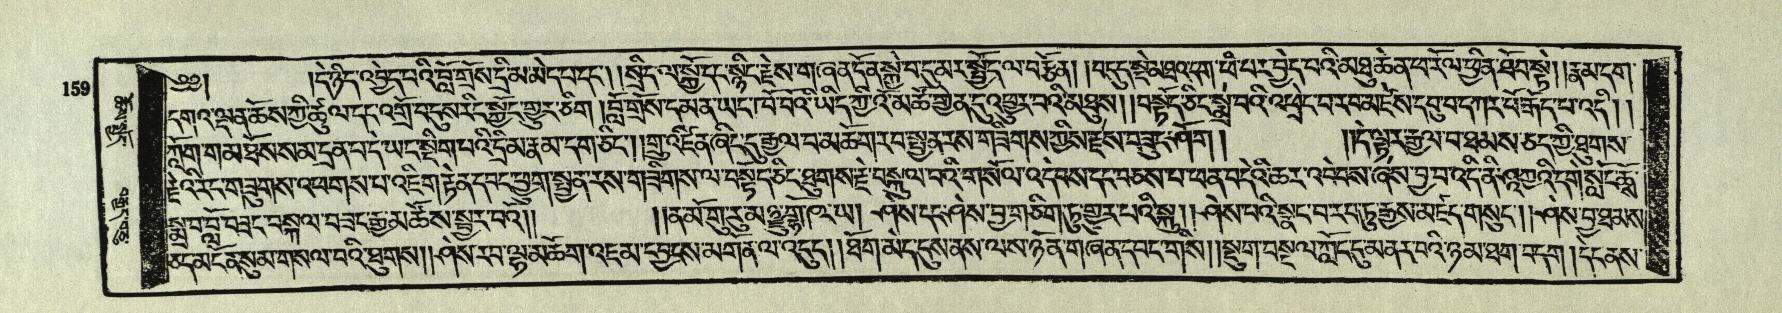༄༅། །དེ་ཉིད་འབྱེད་པའི་བློ་གྲོས་དྲི་མ་མེད་པ་དང་། །སྲིད་ལ་སྐྱོ་དང་སྙིང་རྗེས་གཞན་དོན་སྐྱེ་བ་དུ་མར་སྤྱོད་ལ་བརྩོན། །བདུད་སྡེ་མཐའ་དག་ཕི་པར་བྱེད་པའི་མཐུ་ཆེན་ཕ་རོལ་ཕྱིན་ཐོབ་སྟེ། །རྣམ་དག་
དགའ་ལྡན་ཆོས་ཀྱི་ཚུལ་དང་འགྲོ་བདུས་རིང་སྐྱོང་གྱུར་ཅིག །བློ་གྲོས་དམན་ཡང་ཁོ་བོའི་ཡིད་ཀྱིའོ་མཚོ་གྱེན་དུ་འཕྱུར་བའི་མཐུས། །བསྟོད་ཅིང་སྨྲེ་བའི་འཕྲེང་བ་རབ་མཛེས་དབུ་བ་དཀར་པོ་རྒོད་པ་འདི། །
ཀློག་གམ་ཐོས་སམ་དྲན་པ་དེ་ཡང་སྡིག་པའི་དྲི་མ་རྣམ་དག་ཅིང་། །གྲུ་འཛིན་ཞིང་དུ་རྒྱལ་བ་མཆོག་རབ་སྤྱན་རས་གཟིགས་ཀྱིས་རྗེས་བཟུང་ཤོག། །།དེ་ལྟར་རྒྱལ་བ་ཐམས་ཅད་ཀྱི་ཐུགས་
རྗེའི་རང་གཟུགས་འཕགས་པ་འཇིག་རྟེན་དབང་ཕྱུག་སྤྱན་རས་གཟིགས་ལ་བསྟོད་ཅིང་ཐུགས་རྗེ་བསྐུལ་བའི་གསོལ་འདེབས་དང་བཅས་པ་ཕན་བདེའི་ཆར་འབེབས་ཞེས་བྱ་བ་འདི་ནི་ཤཱཀྱའི་དགེ་སློང་ཆོས་
སྨྲ་བ་བློ་བཟང་བསྐལ་བཟང་རྒྱ་མཚོས་སྦྱར་བའོ།། །།ན་མོ་གུ་རུ་མཉྫུ་གྷོ་ཥ་ཡ། ཤེས་དང་ཤེས་བྱ་གཅིག་ཏུ་གྱུར་པའི་སྐུ། །ཤེས་པའི་སྣང་བ་རབ་ཏུ་རྒྱས་མཛད་གསུང་། །ཤེས་བྱ་ཐམས་
ཅད་མངོན་སུམ་གསལ་བའི་ཐུགས། །ཤེས་རབ་ལྷ་མཆོག་འཇམ་དབྱངས་མགོན་ལ་འདུད། །ཐོག་མེད་དུས་ནས་ལས་ཉོན་གཞན་དབང་གིས། །སྡུག་བསྔལ་ཀློང་དུ་མནར་བའི་ཉམ་ཐག་བདག །དེང་ནས་